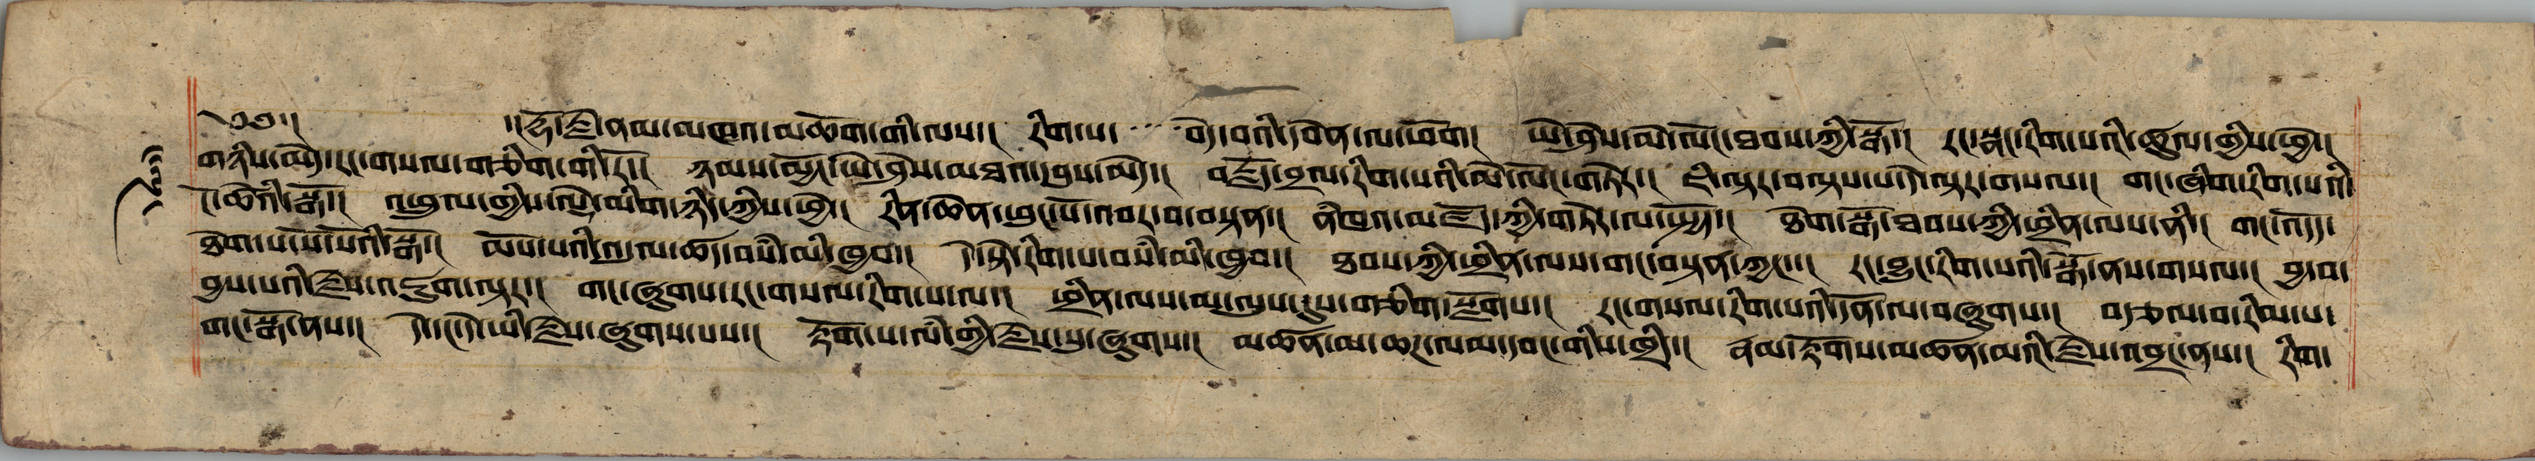༄༅་། ་།རྡོ་རྗེ་ནམ་མཁའ་མཆོག་གི་ལས་། རིག་པ་ བདེ་བའི་དབེན་ལ་ཕོག། ཡེ་ཤེས་མེ་ལོང་ཐབས་ཀྱི་སྒོ་། རང་སྣང་རིག་པའི་ཚུལ་གྱིས་ཕྱེ་།
གཉིས་མེད་རང་གསལ་གཅིག་གི་རོ་། ཉམས་མྱོང་ཡེ་ཤེས་མཐའ་དབུས་མེད་། བརྗོད་བྲལ་རིག་པའི་མེ་ལོང་གཏེར་། ཇི་ལྟར་བལྟས་པ་དེ་ལྟར་གསལ་། གང་ཞིག་རིག་པའི་
ངོ་ཚེའི་སྒོ་། འཕྲུལ་གྱིས་ལྡེ་མིག་ཉིད་ཀྱིས་ཕྱེ་། རིན་ཆེན་ཕུང་པོ་འབར་བ་བསྟན་། ནཾཁའ་མཛོད་ཀྱི་གཏེར་ལ་སྤྱོད་། ཐེག་སྒོ་ཐབས་ཀྱི་ཕྲིན་ལས་ནི་། གང་འདོད་
ཐེག་པ་སོ་སོའི་སྒོ་། མོས་པའི་འདུལ་ཚད་བསཾ་མི་ཁྱབ་། དེ་སྟེ་རིག་པ་བསཾ་མི་ཁྱབ་། ཐབས་ཀྱི་ཕྲིན་ལས་གང་བསྟན་ཀྱང་་། རང་བྱུང་རིག་པའི་སྒོ་ནས་གསལ་། བྱ་བ་
བྱས་པའི་རྗེས་འཇུག་ལྟར་། གང་ཞུགས་རང་གསལ་རིག་པ་ལ་། ཕྲིན་ལས་མ་ལུས་དུས་གཅིག་སྫོགས་། རང་གསལ་རིག་པའི་དོན་ལ་བཞུགས་། བརྩལ་བ་རིམ་པ་
གང་སྒོ་ནས་། དེ་དང་དེ་ཡི་རྗེས་ཞུགས་པས་། རྟོག་པ་ལཾ་གྱི་རྗེས་སུ་ཞུགས་། མཚན་མ་ཆཌ་ལམ་དབང་གིས་ཁྲིད་། རྣམ་རྟོགས་མཚན་མའི་རྗེས་འབྲང་ནས་། རིག་